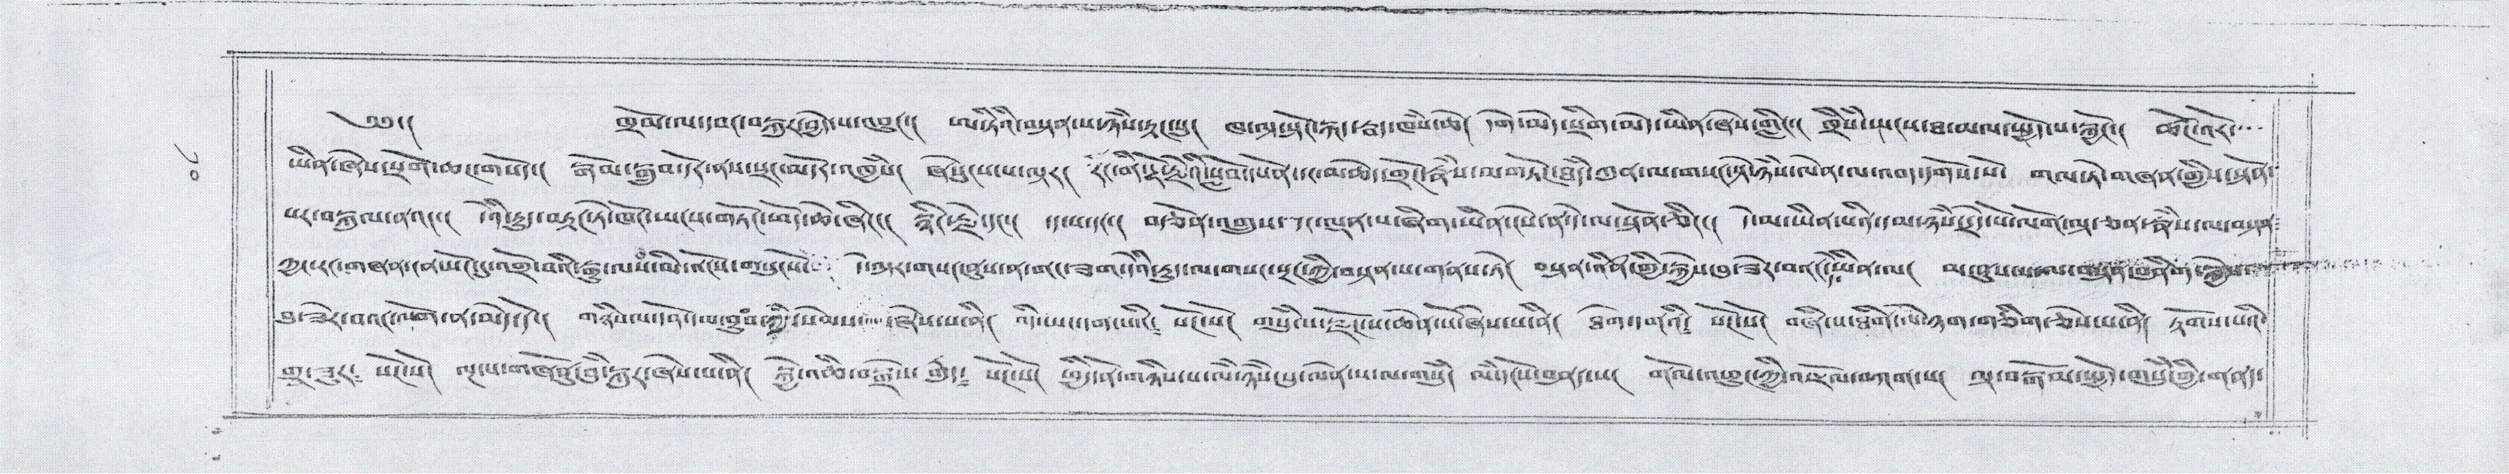ཁྲོམ་ལ་དབང་སྐུར་བྱེད་པ་འབྱུང་། །ཨ་ཏིའི་བསྟན་པ་ཉམས་རྟགས་སུ། །ཁ་ལྟ་སྟོང་སྐད་རྦད་ཁམས་ཆེ། །དགེ་མེད་སྡིག་མེད་ཡིན་ཞེས་གླེང་། །ཁྲིམས་སྤངས་ཐ་མལ་སྤྱོད་པ་སྐྱོང་། །ཚོགས་འཁོར་
ཡིིན་ཞེས་སྲོག་ཆགས་གསོད། །སྒོམ་སྒྲུབ་དོར་ནས་གསང་མདོར་འཁྱམས། །ཞེས་གསུངས་པ་ལྟར། རང་གི་རྡོ་རྗེའི་སློབ་དཔོན་དང་མཆེད་གྲོགས་རྣམས་མ་གཏོགས་ཐམས་ཅད་ཀུན་ལ་གསང་སྟེ་ཉམས་ལེན་ལ་འབད་དགོས་སོ། །གལ་ཏེ་གཞན་གྱིས་སྟོན་
པར་བསྐུལ་ནའང་། དེའི་རྒྱུད་བརྟགས་ཏེ་ཁོང་ཡངས། གཏོང་ཕོད་ཆེ་ཞིང་། སྙིང་རྗེ་དང་། དད་པ་དང་། བརྩོན་འགྲུས་དང་ལྡན་པ་ཞིག་ཡིན་ངེས་ན་དེ་ལ་སྟོན་ཞིང་དེ་མ་ཡིན་པའི་དམ་ཉམས་དྲེད་པོ་ལོག་ལྟ་ཅན་རྣམས་ལ་བསྟན་
ཀྱང་རང་གཞན་ངན་སོང་དུ་འགྲོ་བའི་རྒྱུ་ལས་མི་འོངས་གསུངས་སོ། །དེ་ལྟར་གསང་ནུས་ན་གང་ཟག་དེའི་རྒྱུད་ལ་གསང་སྔགས་ཀྱི་བསྟན་པ་གནས་ཏེ། བསྟན་འཛིན་གྱི་སྐྱེས་བུ་ཟེར་བའང་དེ་ཡིན་ལ། མ་ནུས་པ་ལ་བསྟན་བཤིགས་སྐྱེས་
བུ་ཟེར་བའང་ལོགས་ན་མེད་དོ། །གཉིས་པ་དོན་དམ་བྱང་ཆུབ་ཀྱི་སེམས་ཞེས་པ་ནི། འདི་ཡང་དག་པའི་སོགས་སོ། གསུམ་པ་རྫོགས་པ་ཆེན་པོ་ཞེས་པ་ནི། ཐེག་དགུའི་སོགས་སོ། །བཞི་པ་ཐེག་ལེ་ཉག་གཅིག་ཅེས་པ་ནི། རྟོགས་པའི་
གྲ་ཟུར་སོགས་སོ། ལྔ་པ་གཞོན་ནུ་བུམ་སྐུར་ཞེས་པ་ནི། སྐྱེ་འཆི་བསྒྲེས་རྒུད་སོགས་སོ། །སྤྱི་དོན་གཉིས་པ་ལམ་ཉམས་སུ་ལེན་པ་ལ་གསུམ། ལམ་དངོས་བཤད་པ། གོལ་འཕྱུག་གི་འཛོལ་བཀག་པ། ལྟ་སྒོམ་སྤྱོད་གསུམ་གྱི་གནད་